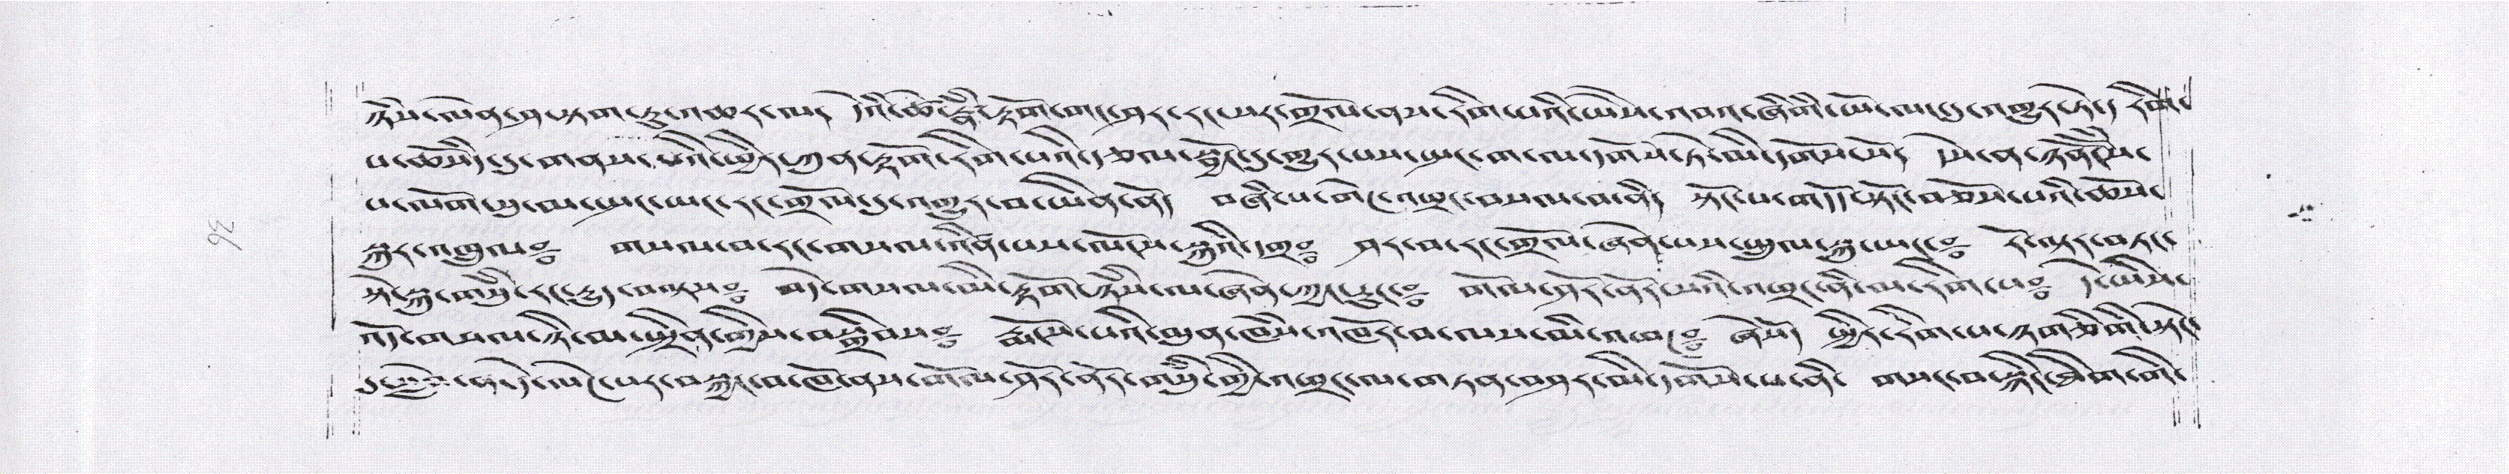ཉམས་ལེན་ཤ་སྟག་ཏུ་འཆར་ལ། དེའི་ཚེ་རྣམ་རྟོག་གང་ཤར་རང་སར་གྲོལ་ནས་རིག་པའི་ཡེ་ཤེས་འབའ་ཞིག་གི་ཡོ་ལང་དུ་འགྱུར་ཏེ། རིག་
པ་ཆོས་ཉིད་དུ་གནས་པའི་ཕྱིར་ཀུན་རྟོག་རིག་པའི་རྩལ་སྦྱོང་དུ་གྱུར་པས་སྤང་ག་ལ་དགོས་ཏེ་མི་དགོས་སོ། དེས་ན་ཉོན་མོངས་
པ་ལོགས་སུ་མ་སྤངས་ཀྱང་རང་གྲོལ་དུ་འགྱུར་བ་ཡིན་ནོ། བཞི་པ་གེགས་འཕྲང་བསལ་བ་ནི། སྟོང་པ་གདོད་སྟོང་བཅོས་པའི་ཆོས་
སྐུར་འཁྲུལཿ གསལ་བ་རང་གསལ་འཛིན་པས་ལོངས་སྐུའི་དགྲཿ ཤར་བ་རང་གྲོལ་ཞེན་པས་སྤྲུལ་སྐུ་ཡངཿ རོ་ལྟར་བཏང་
སྟེ་སྐུ་གསུམ་རང་རྒྱུད་བལྟསཿ བདེ་གསལ་མི་རྟོག་ཉམས་ལ་ཞེན་ཀྱང་རུངཿ གོལ་ཤོར་ནོར་བའི་འཕྲང་ནི་མ་རིག་པཿ དེ་ཡིས་
འོད་གསལ་ཉི་མ་སྤྲིན་གྱིས་བསྒྲིབསཿ རྨོངས་པའི་མུན་ཁམས་འཁོར་བ་ལས་མི་འཕགསཿ ཞེས་སོ། སྤྱིར་རིག་པ་ཉག་གཅིག་གི་སྟེང་
་སླེབས་ན་དེ་ལེགས་པར་བསྐྱངས་པ་ཁོ་ནས་གོལ་ཤོར་ནོར་གསུམ་གྱི་འཕྲང་ལ་གཏན་བཤར་མི་དགོས་པ་ནི། གསང་བ་སྙིང་ཐིག་གི་